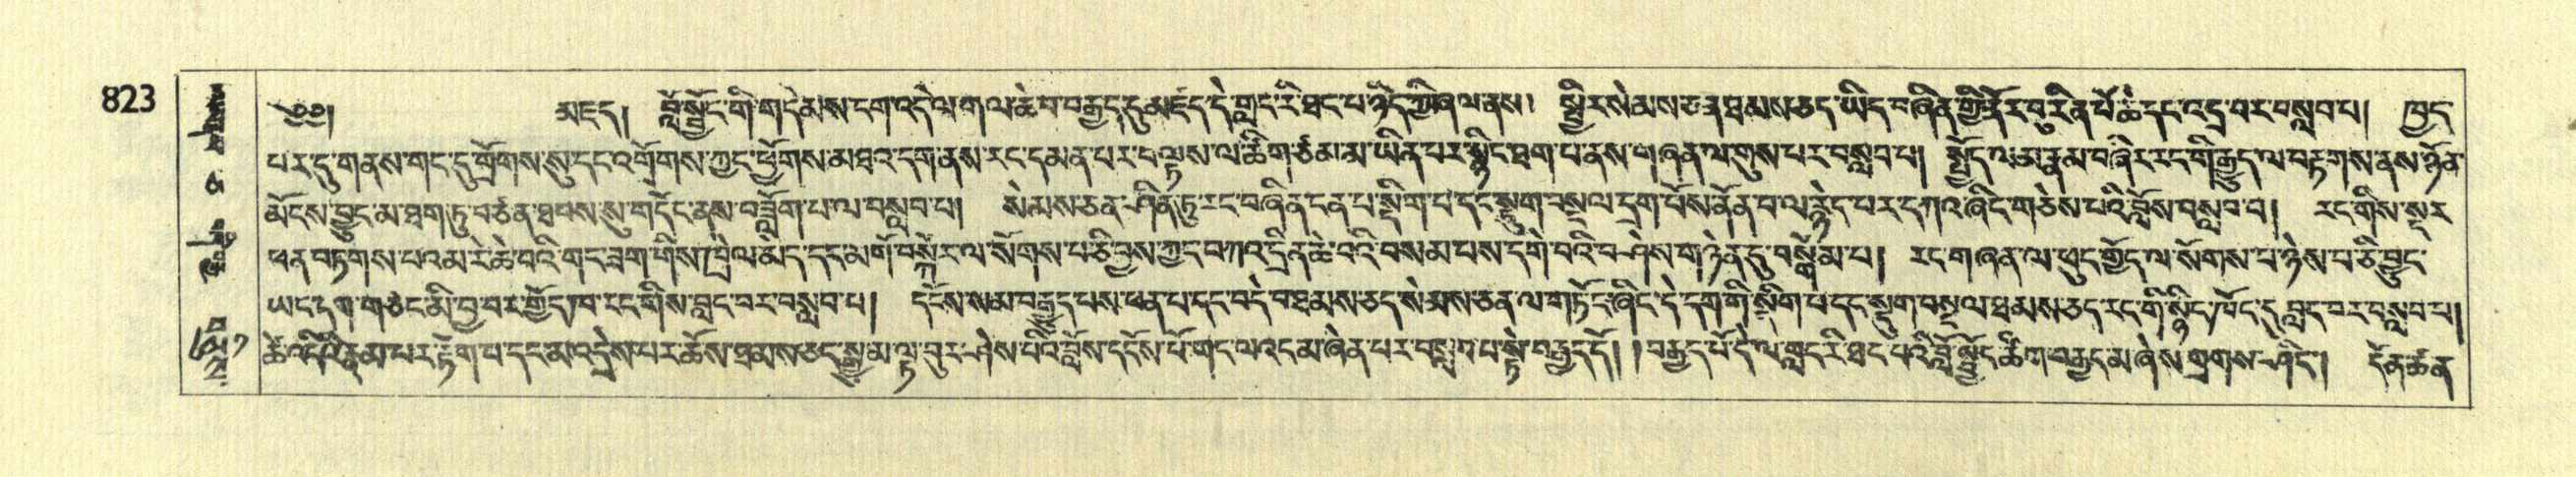༄༅། །མཛད། བློ་སྦྱོང་གི་གདེམས་ངག་འདེ་ལག་ལ་ཆེ་བ་བརྒྱད་དུ་མཛད་དེ་གླང་རི་ཐང་པ་ཉིད་ཀྱི་ཞལ་ནས། སྤྱིར་སེམས་ཅན་ཐམས་ཅད་ཡིད་བཞིན་གྱི་ནོར་བུ་རིན་པོ་ཆེ་དང་འདྲ་བར་བསླབ་པ། ཁྱད་
པར་དུ་གནས་གང་དུ་གྲོགས་སུ་དང་འགྲོགས་ཀྱང་ཕྱོགས་མཐའ་དག་ནས་རང་དམན་པར་བལྟས་ལ་ཚིག་ཙམ་མ་ཡིན་པར་སྙིང་ཐག་པ་ནས་གཞན་ལ་གུས་པར་བསླབ་པ། སྤྱོད་ལམ་རྣམ་བཞིར་རང་གི་རྒྱུད་ལ་བརྟགས་ནས་ཉོན་
མོངས་བྱུང་མ་ཐག་ཏུ་བཙན་ཐབས་སུ་གདོང་ནས་བཟློག་པ་ལ་བསླབ་པ། སེམས་ཅན་ཤིན་ཏུ་རང་བཞིན་ངན་པ་སྡིག་པ་དང་སྡུག་བསྔལ་དྲག་པོས་ནོན་བ་ལ་རྙེད་པར་དཀའ་ཞིང་གཅེས་པའི་བློས་བསླབ་པ། རང་གིས་སྔར་
ཕན་བཏགས་པའམ་རེ་ཆེ་བའི་གང་ཟག་གིས་ཁྲེལ་མེད་དང་མགོ་བསྐོར་ལ་སོགས་པ་ཅི་བྱས་ཀྱང་བཀའ་དྲིན་ཆེ་བའི་བསམ་པས་དགེ་བའི་བཤེས་གཉེན་དུ་བསྒོམ་པ། རང་གཞན་ལ་ཕུང་གྱོད་ལ་སོགས་པ་ཉེས་པ་ཅི་བྱུང་
ཡང་དག་གཙང་མི་བྱ་བར་གྱོད་ཁ་རང་གིས་བླང་བར་བསླབ་པ། དངོས་སམ་བརྒྱུད་པས་ཕན་པ་དང་བདེ་བ་ཐམས་ཅད་སེམས་ཅན་ལ་གཏོང་ཞིང་དེ་དག་གི་སྡིག་པ་དང་སྡུག་བསྔལ་ཐམས་ཅད་རང་གི་སྙིང་ཁོང་དུ་བླང་བར་བསླབ་པ།
ཚེ་འདིའི་རྣམ་པར་རྟོག་པ་དང་མ་འདྲེས་པར་ཆོས་ཐམས་ཅད་སྒྱུ་མ་ལྟ་བུར་ཤེས་པའི་བློས་དངོས་པོ་གང་ལའང་མ་ཞེན་པར་བསླབ་པ་སྟེ་བརྒྱད་དོ། །བརྒྱད་པོ་དེ་ལ་གླང་རི་ཐང་པའི་བློ་སྦྱོང་ཚིག་བརྒྱད་མ་ཞེས་གྲགས་ཤིང་། དོན་ཚན་